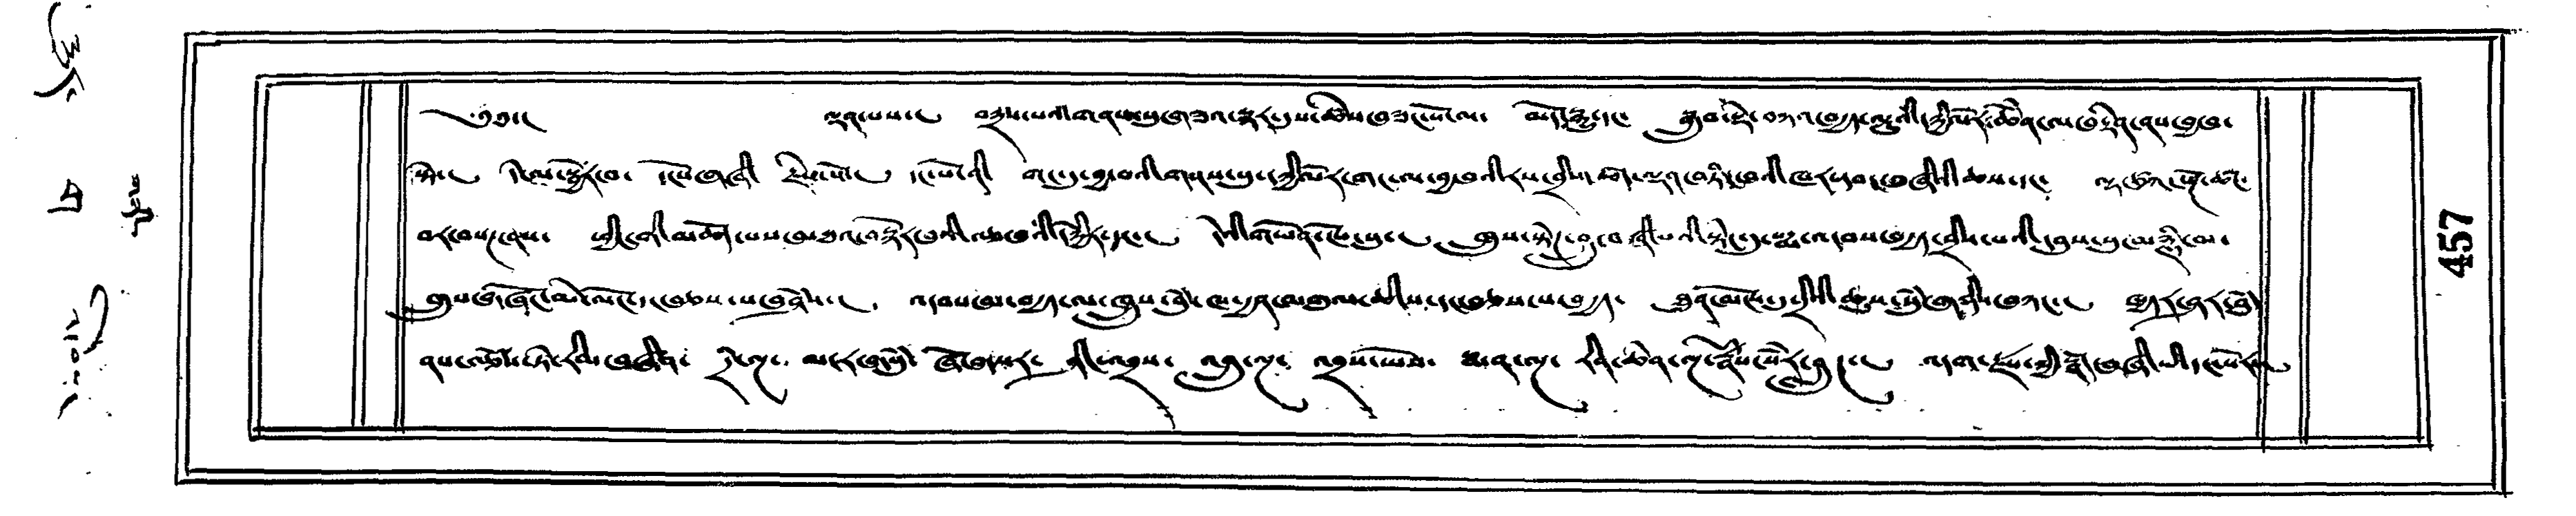ལྡན་པས། བཀྲ་ཤིས་པའི་གནས་སུ་གཟའ་སྐར་དུས་ཚེས་བཟང་པོ་ལ། མདོ་རྒྱུ་དང་། སྒྲུབ་སྡེ་བཀའ་བརྒྱད་ལྟ་བུའི་དཀྱིལ་འཁོར་ཆེན་པོ་ལ་བརྟེན་ནས་བྱ་བ་
སྟེ། དེ་ལ་སྦྱོར་བ། དངོས་གཞི། རྗེས་སོ། དང་པོ་ནི། གང་དུ་བྱ་བའི་གནས་སུ་དཀྱིལ་འཁོར་གང་ལ་བྱ་བའི་རས་བྲིས་ཚད་ལྡན་བཏིང་བའི་ཁར་དབང་བཞིའི་ཆས་དང་། ལྷ་ཙཀ་སོགས་ཚང་
བར་བསགས་ནས། ཕྱི་ནང་གི་མཆོད་པས་མཐའ་བསྐོར་བའི་རྩ་བའི་དཀྱིལ་འཁོར་དང་། དེའི་གཡོན་ངོས་སུ། ཁྲུས་སྟེགས་གྲུ་བཞི་པའི་སྟེང་དུ་པདྨ་འདབ་བརྒྱད་བྲིས་པའི་དབུས་སུ་མནྫི་ལ་
ཁྲུས་གཞོང་མེ་ལོང་དང་བཅས་པ་བཤམས། འདབ་མ་བརྒྱད་ལ་ཁྲུས་བུམ་ཁ་རྒྱན་མགུལ་ཆིངས་དང་བཅས་པ་བརྒྱད། ཐུན་མོང་དུ་དྲིའི་ཆུས་སུམ་གཉིས་བཀང་། ཁྱད་པར་ཤར་བུམ་
ནས་བརྩམ་ཏེ་རིམ་བཞིན། དྲི་ལྔ། མངར་གསུམ། ཞོ་གསར། ཤིང་འབྲས། འབྲུ་ལྔ། འབྲས་ཡོས། སྨན་ལྔ། རིན་ཆེན་ལྔ་རྣམས་སོ་སོར་བླུགས། འདག་རྫས་ཀྱི་སྣོད་བཞི་ཡི་དང་པོར།